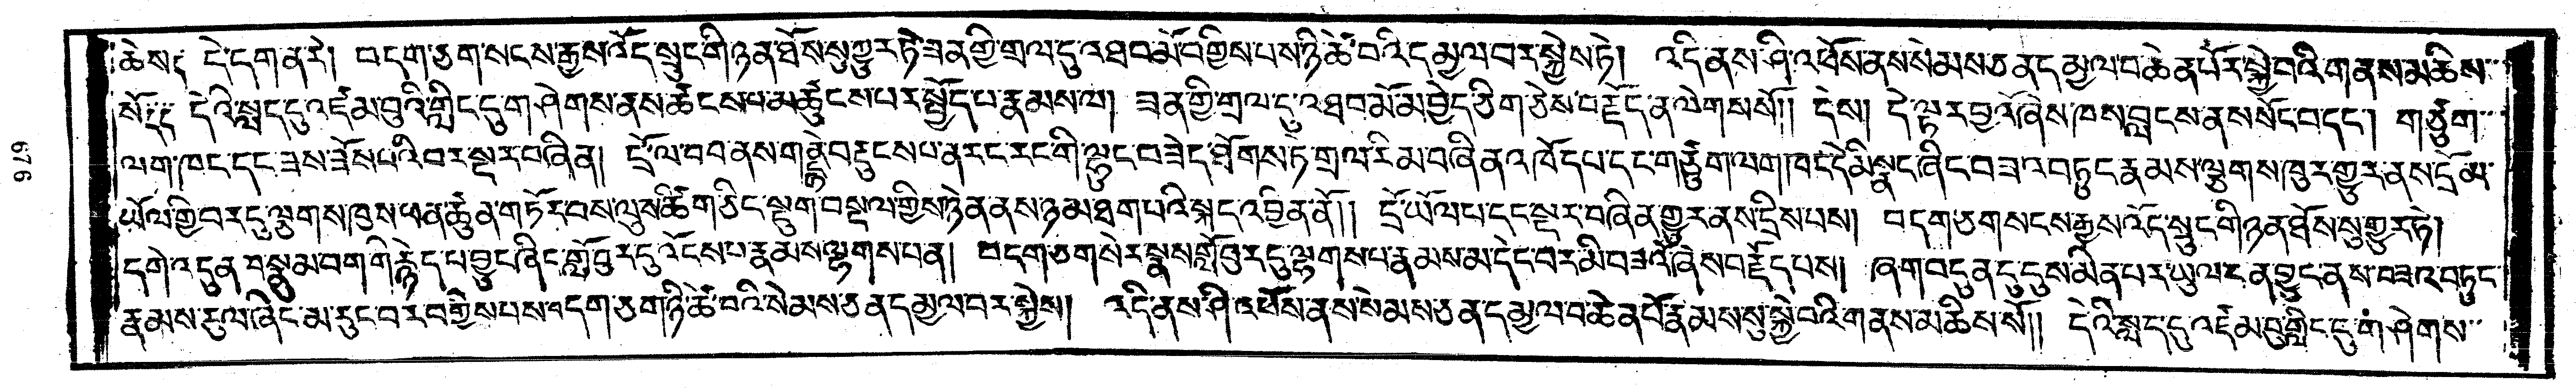ཆེས༑ དེ་དག་ན་རེ། བདག་ཅག་སངས་རྒྱས་འོད་སྲུང་གི་ཉན་ཐོས་སུ་ཀྱུར་ཏེ་ཟན་གྱི་གྲལ་དུ་འཐབ་མོ་བགྱིས་པས་ཉི་ཚེ་བའི་དམྱལ་བར་སྐྱེས་ཏེ། འདི་ནས་ཤི་འཕོས་ནས་སེམས་ཅན་དམྱལ་བ་ཆེན་པོར་སྐྱེ་བའི་གནས་མཆིས་
སོ༑༑ དེའི་སླད་དུ་འཛམ་བུའི་གླིང་དུ་གཤེགས་ནས་ཚངས་པ་མཚུངས་པར་སྤྱོད་པ་རྣམས་ལ། ཟན་གྱི་གྲལ་དུ་འཐབ་མོ་མ་བྱེད་ཅིག་ཅེས་བརྗོད་ན་ལེགས་སོ།། དེས། དེ་ལྟར་བྱའོ་ཞེས་ཁས་བླངས་ནས་སོང་བ་དང་། གཙུག་
ལག་ཁང་དང་ཟས་ཟོས་པའི་བར་སྔར་བཞིན། དྲོ་ལ་བབ་ནས་གནྡྷེ་བརྡུངས་པ་ན་རང་རང་གི་ལྷུང་བཟེད་ཐོགས་ཏེ་གྲལ་རིམ་བཞིན་འཁོད་པ་དང་གཙུག་ལག་ཁང་དེ་མི་སྣང་ཞིང་བཟའ་བཏུང་རྣམས་ལྕགས་ཁུར་གྱུར་ནས་དྲོ་མ་
ཡོལ་གྱི་བར་དུ་ལྕགས་ཁུས་ཕན་ཚུན་གཏོར་བས་ལུས་ཚིག་ཅིང་སྡུག་བསྔལ་གྱིས་ཉེན་ནས་ཉམ་ཐག་པའི་སྐད་འབྱིན་ནོ།། དྲོ་ཡོལ་པ་དང་སྔར་བཞིན་གྱུར་ནས་དྲིས་པས། བདག་ཅག་སངས་རྒྱས་འོད་སྲུང་གི་ཉན་ཐོས་སུ་གྱུར་ཏེ།
དགེ་འདུན་བསྣུམ་བག་གི་རྙེད་པ་བྱུང་ཞིང་གློ་བུར་དུ་འོངས་པ་རྣམས་ལྷགས་པ་ན། བདག་ཅག་སེར་སྣས་གློ་བུར་དུ་ལྷགས་པ་རྣམས་མ་དེང་བར་མི་བཟའོ་ཞེས་བརྗོད་པས། ཞག་བདུན་དུ་དུས་མིན་པར་ཡུལ་ངན་བྱུང་ནས་བཟའ་བཏུང་
རྣམས་རུལ་ཞིང་མ་རུང་བར་བགྱིས་པས་བདག་ཅག་ཉི་ཚེ་བའི་སེམས་ཅན་དམྱལ་བར་སྐྱེས། འདི་ནས་ཤི་འཕོས་ནས་སེམས་ཅན་དམྱལ་བ་ཆེན་པོ་རྣམས་སུ་སྐྱེ་བའི་གནས་མཆིས་སོ།། དེའི་སླད་དུ་འཛམ་བུ་གླིང་དུ་གཤེགས་